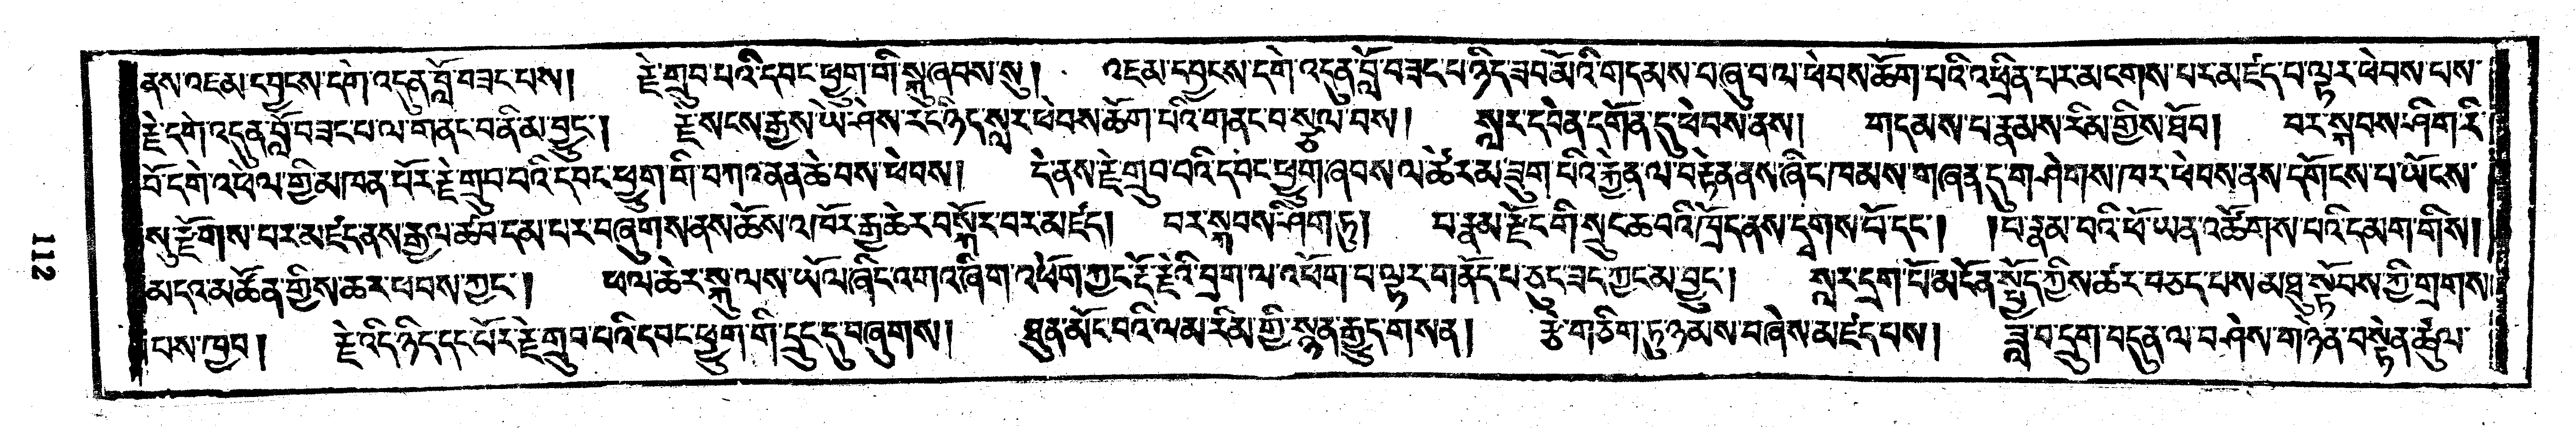ནས་འཇམ་དབྱངས་དགེ་འདུན་བློ་བཟང་པས། རྗེ་གྲུབ་པའི་དབང་ཕྱུག་གི་སྐུ་ཞབས་སུ། འཇམ་དབྱངས་དགེ་འདུན་བློ་བཟང་པ་ཉིད་ཟབ་མོའི་གདམས་པ་ཞུ་བ་ལ་ཕེབས་ཆོག་པའི་འཕྲིན་པར་མངགས་པར་མཛད་པར་ལྟར་ཕེབས་པས་
རྗེ་དགེ་འདུན་བློ་བཟང་པ་ལ་གནང་བ་ནི་མ་བྱུང་། རྗེ་སངས་རྒྱས་ཡེ་ཤེས་རང་ཉིད་སླར་ཕེབས་ཆོག་པའི་གནང་བ་སྩལ་བས། སླར་དབེན་དགོན་དུ་ཕེབས་ནས། གདམས་པ་རྣམས་རིམ་གྱིས་ཐོབ། བར་སྐབས་ཤིག་རི་
བོ་དགེ་འཕེལ་གྱི་མཁན་པོར་རྗེ་གྲུབ་པའི་དབང་ཕྱུག་གི་བཀའ་ནན་ཆེ་བས་ཕེབས། དེ་ནས་རྗེ་གྲུབ་པའི་དབང་ཕྱུག་ཞབས་ལ་ཚེར་མ་ཟུག་པའི་རྐྱེན་ལ་བརྟེན་ནས་ཞིང་ཁམས་གཞན་དུ་གཤེགས་ཁར་ཕེབས་ནས་དགོངས་པ་ཡོངས་
སུ་རྫོགས་པར་མཛད་ནས་རྒྱལ་ཚབ་དམ་པར་བཞུགས་ནས་ཆོས་འཁོར་རྒྱ་ཆེར་བསྐོར་བར་མཛད། བར་སྐབས་ཤིག་ཏུ། པ་རྣམ་རྫོང་གི་སྲུང་ཆ་བའི་ཁྲོད་ནས་དྭགས་པོ་དང་། །པ་རྣམ་པའི་ཕོ་ཡན་འཚོགས་པའི་དམག་གིས།
མདའ་མཚོན་གྱིས་ཆར་ཕབས་ཀྱང་། ཕལ་ཆེར་སྐུ་ལས་ཡོལ་ཞིང་འགའ་ཞིག་འཕོག་ཀྱང་རྡོ་རྗེའི་བྲག་ལ་འཕོག་པ་ལྟར་གནོད་པ་ཅུང་ཟད་ཀྱང་མ་བྱུང་། སླར་དྲག་པོ་མངོན་སྤྱོད་ཀྱིས་ཚར་བཅད་པས་མཐུ་སྟོབས་ཀྱི་གྲགས་
པས་ཁྱབ། རྗེ་འདི་ཉིད་དང་པོར་རྗེ་གྲུབ་པའི་དབང་ཕྱུག་གི་དྲུང་དུ་བཞུགས། ཐུན་མོང་བའི་ལམ་རིམ་གྱི་སྙན་རྒྱུད་གསན། རྩེ་གཅིག་ཏུ་ཉམས་བཞེས་མཛད་པས། ཟླ་བ་དྲུག་བདུན་ལ་བཤེས་གཉེན་བསྟེན་ཚུལ་